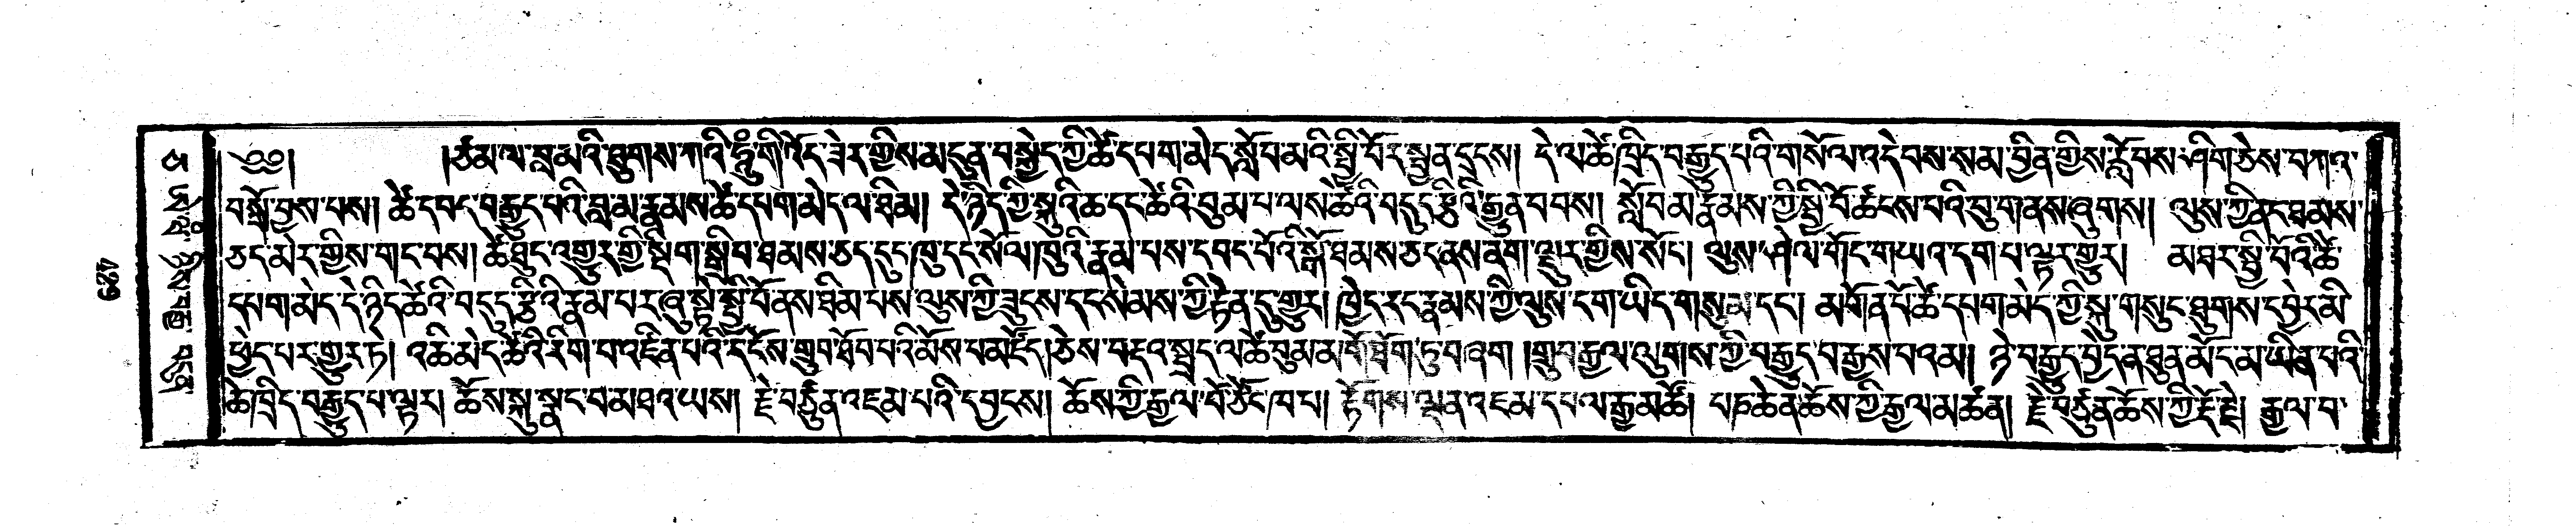༄༅། །ཙམ་ལ་བླ་མའི་ཐུགས་ཀའི་ཧཱུཾ་གི་འོད་ཟེར་གྱིས་མདུན་བསྐྱེད་ཀྱི་ཚེ་དཔག་མེད་སློབ་མའི་སྤྱི་བོར་སྤྱན་དྲངས། དེ་ལ་ཚེ་ཁྲིད་བརྒྱུད་པའི་གསོལ་འདེབས་སམ་བྱིན་གྱིས་རློབས་ཤིག་ཅེས་བཀའ་
བསྒོ་བྱས་པས། ཚེ་དབང་བརྒྱུད་པའི་བླ་མ་རྣམས་ཚེ་དཔག་མེད་ལ་ཐིམ། དེ་ཉིད་ཀྱི་སྐུའི་ཆ་དང་ཚེའི་བུམ་པ་ལས་ཚེའི་བདུད་རྩིའི་རྒྱུན་བབས། སློབ་མ་རྣམས་ཀྱི་སྤྱི་བོ་ཚངས་པའི་བུ་ག་ནས་ཞུགས། ལུས་ཀྱི་ནང་ཐམས་
ཅད་མེར་གྱིས་གང་བས། ཚེ་ཐུང་འགྱུར་གྱི་སྡིག་སྒྲིབ་ཐམས་ཅད་དུད་ཁུ་དང་སོལ་ཁུའི་རྣམ་པས་དབང་པོའི་སྒོ་ཐམས་ཅད་ནས་ནག་ལྡུར་གྱིས་སོང་། ལུས་ཤེལ་གོང་གཡའ་དག་པ་ལྟར་གྱུར། མཐར་སྤྱི་བོའི་ཚེ་
དཔག་མེད་དེ་ཉིད་ཚེའི་བདུད་རྩིའི་རྣམ་པར་ཞུ་སྟེ་སྤྱི་བོ་ནས་ཐིམ་པས་ལུས་ཀྱི་ཟུངས་དང་སེམས་ཀྱི་རྟེན་དུ་གྱུར། ཁྱེད་རང་རྣམས་ཀྱི་ལུས་ངག་ཡིད་གསུམ་དང་། མགོན་པོ་ཚེ་དཔག་མེད་ཀྱི་སྐུ་གསུང་ཐུགས་དབྱེར་མི་
ཕྱེད་པར་གྱུར་ཏེ། འཆི་མེད་ཚེའི་རིག་པ་འཛིན་པའི་དངོས་གྲུབ་ཐོབ་པའི་མོས་པ་མཛོད། ཅེས་བརྡའ་སྤྲད་ལ་ཚེ་བུམ་མགོ་ཐོག་ཏུ་བཞག །གྲུབ་རྒྱལ་ལུགས་ཀྱི་བརྒྱུད་པ་རྒྱས་པའམ། ཉེ་བརྒྱུད་བྱེད་ན་ཐུན་མོང་མ་ཡིན་པའི་
ཚེ་ཁྲིད་བརྒྱུད་པ་ལྟར། ཆོས་སྐུ་སྣང་བ་མཐའ་ཡས། རྗེ་བཙུན་འཇམ་པའི་དབྱངས། ཆོས་ཀྱི་རྒྱལ་པོ་ཙོང་ཁ་པ། རྟོགས་ལྡན་འཇམ་དཔལ་རྒྱ་མཚོ། པཎ་ཆེན་ཆོས་ཀྱི་རྒྱལ་མཚན། རྗེ་བཙུན་ཆོས་ཀྱི་རྡོ་རྗེ། རྒྱལ་བ་